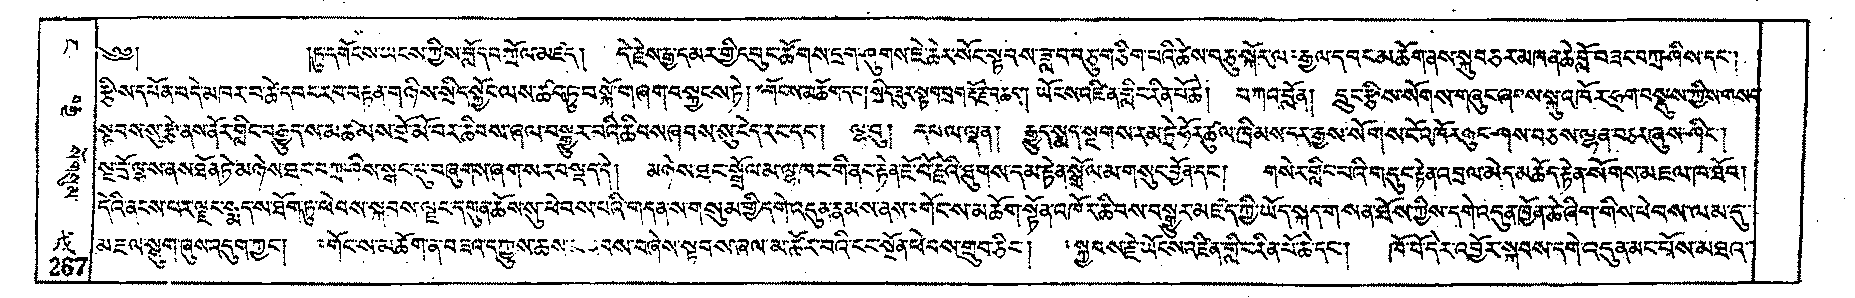༄༅། །ཏུ་དགོངས་ཡངས་ཀྱིས་གློད་བཀྲོལ་མཛད། དེ་རྗེས་རྒྱ་དམར་གྱི་དཔུང་ཚོགས་དྲག་ཤུགས་ཇེ་ཆེར་སོང་སྟབས་ཟླ་བ་བཅུ་གཅིག་པའི་ཚེས་བཅུ་སྐོར་ལ་༧རྒྱལ་དབང་མཆོག་ནས་སྐུ་བཅར་མཁན་ཆེ་བློ་བཟང་བཀྲ་ཤིས་དང་།
རྩིས་དཔོན་བདེ་མཁར་བ་ཚེ་དབང་རབ་བརྟན་གཉིས་སྲིད་སྐྱོང་ལས་ཚབ་ཏུ་བསྐོ་གཞག་བསྐྱངས་ཏེ། ༧གོང་ས་མཆོག་དང་། སྲིད་ཟུར་སྟག་བྲག་རྡོ་རྗེ་འཆང་། ཡོངས་འཛིན་གླིང་རིན་པོ་ཆེ། བཀའ་བློན། དྲུང་རྩིས་སོགས་གཞུང་ཞབས་སྐུ་འཁོར་ཧྲག་བསྡུས་ཀྱིས་གསང་
སྟབས་སུ་རྩེ་ནས་ནོར་གླིང་བརྒྱུད་ས་མཚམས་གྲོ་མོ་བར་ཆིབས་ཞལ་བསྒྱུར་བའི་ཆིབས་ཞབས་སུ་ངེད་རང་དང་། ལྷ་བུ། དཔལ་ལྡན། རྒྱུད་སྨད་སྔགས་རམ་ཏྲེ་ཧོར་ཚུལ་ཁྲིམས་དར་རྒྱས་སོགས་ངོ་འཁོར་ཉུང་ཤས་བཅས་ལྷན་བཅར་ཞུས་ཤིང་།
སྔ་དྲོ་ལྷ་ས་ནས་ཐོན་ཏེ་མཉེས་ཐང་བཀྲ་ཤིས་སྒང་དུ་བཞུགས་ཞག་སར་བསྡད་དེ། མཉེས་ཐང་སྒྲོལ་མ་ལྷ་ཁང་གི་ནང་རྟེན་ཇོ་བོ་རྗེའི་ཐུགས་དམ་རྟེན་སྒྲོལ་མ་གསུང་བྱོན་དང་། གསེར་གླིང་པའི་གདུང་རྟེན་འབྲལ་མེད་མཆོད་རྟེན་སོགས་མཇལ་ཁ་ཐོབ།
དེའི་ནངས་པར་ལྗང་སྨད་ས་ཐོག་ཏུ་ཕེབས་སྐབས་ལྗང་དགུན་ཆོས་སུ་ཕེབས་པའི་གདན་ས་གསུམ་གྱི་དགེ་འདུན་རྣམས་ནས་༧གོང་ས་མཆོག་སྟོན་འཁོར་ཆིབས་བསྒྱུར་མཛད་ཀྱི་ཡོད་སྐད་གསན་ཐོས་ཀྱིས་དགེ་འདུན་ཁྱོན་ཆེ་ཞིག་གིས་ཕེབས་ལམ་དུ་
མཇལ་སྒུག་ཞུས་འདུག་ཀྱང་། ༧གོང་ས་མཆོག་ན་བཟའ་དཀྱུས་ཆས་མནབས་བཞེས་སྟབས་ཞལ་མ་ཚོར་བའི་ངང་སྔོན་ཕེབས་གྲུབ་ཅིང་། ༧སྐྱབས་རྗེ་ཡོངས་འཛིན་གླིང་རིན་པོ་ཆེ་དང་། ཁོ་བོ་དེར་འབྱོར་སྐབས་དགེ་འདུན་མང་པོས་མཐའ་